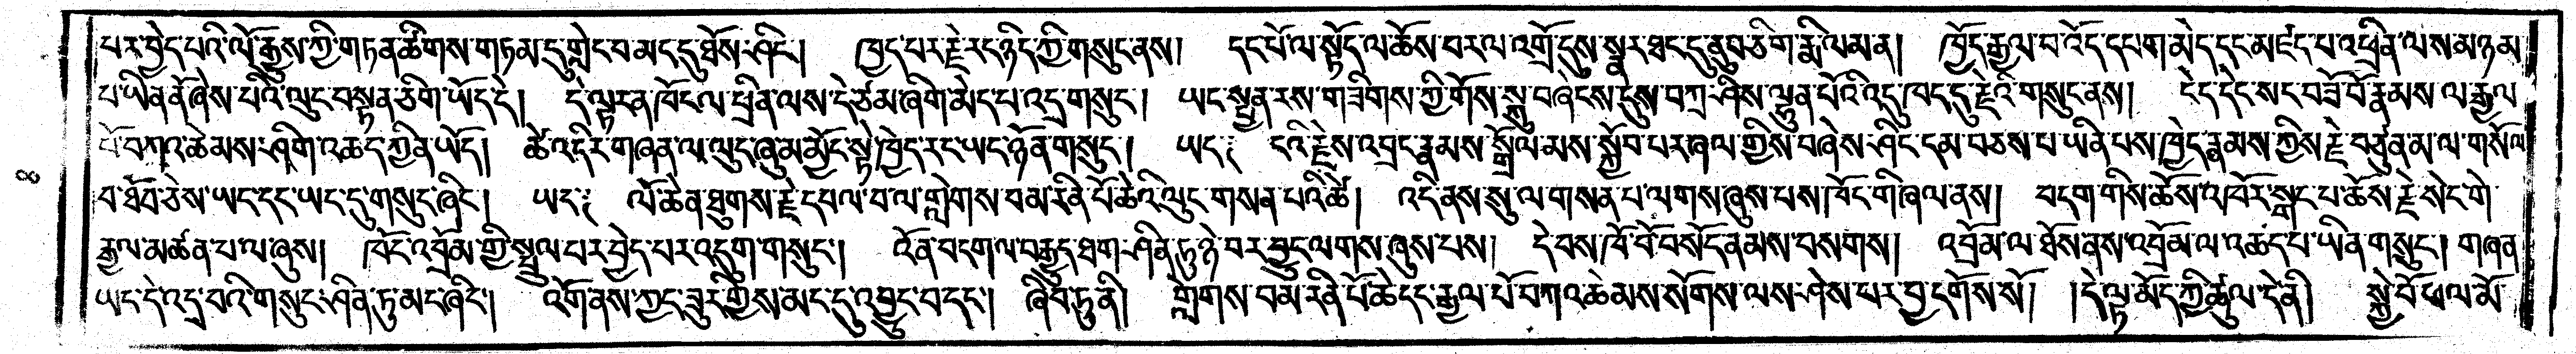པར་བྱེད་པའི་ལོ་རྒྱུས་ཀྱི་གཏན་ཚིགས་གཏམ་དུ་གླེང་བ་མང་དུ་ཐོས་ཤིང་། ཁྱད་པར་རྗེ་རང་ཉིད་ཀྱི་གསུང་ནས། དང་པོ་ལ་སྟོད་པ་ཆོས་བར་ལ་འགྲོ་དུས་སྣར་ཐང་དུ་ནུབ་ཅིག་རྨི་ལམ་ན། ཁྱོད་རྒྱལ་བ་འོད་དཔག་མེད་དང་མཛད་པ་འཕྲིན་ལས་མཉམ་
པ་ཡིན་ནོ་ཞེས་པའི་ལུང་བསྟན་ཅིག་ཡོད་དེ། དེ་ལྟར་ན་ཁོང་ལ་ཕྲིན་ལས་དེ་ཙམ་ཞིག་མེད་པ་འདྲ་གསུང་། ཡང་སྤྱན་རས་གཟིགས་ཀྱི་གོས་སྐུ་བཞེངས་དུས་བཀྲ་ཤིས་ལྷུན་པོའི་འདུ་ཁང་དུ་རྗེའི་གསུང་ནས། ངེད་དེང་སང་བཟོ་བོ་རྣམས་ལ་རྒྱལ་
པོ་བཀའ་ཆེམས་ཤིག་འཆད་ཀྱིན་ཡོད། ཚེ་འདིར་གཞན་ལ་ལུང་ཞུ་མ་མྱོང་སྟེ་ཁྱེད་རང་ཡང་ཉོན་གསུང་། ཡང༑ ངའི་རྗེས་འབྲང་རྣམས་སྒྲོལ་མས་སྐྱོབ་པར་ཞལ་གྱིས་བཞེས་ཤིང་དམ་བཅས་པ་ཡིན་པས་ཁྱེད་རྣམས་ཀྱིས་རྗེ་བཙུན་མ་ལ་གསོལ་
བ་ཐོབ་ཅེས་ཡང་དང་ཡང་དུ་གསུང་ཞིང་། ཡང༑ ལོ་ཆེན་ཐུགས་རྗེ་དཔལ་བ་ལ་གླེགས་བམ་རིན་པོ་ཆེའི་ལུང་གསན་པའི་ཚེ། འདི་ནས་སུ་ལ་གསན་པ་ལགས་ཞུས་པས་ཁོང་གི་ཞལ་ནས། བདག་གིས་ཆོས་འཁོར་སྒང་པ་ཆོས་རྗེ་སེང་གེ་
རྒྱལ་མཚན་པ་ལ་ཞུས། ཁོང་འབྲོམ་གྱི་སྤྲུལ་པར་བྱེད་པར་འདུག་གསུང་། འོ་ན་བདག་ལ་བརྒྱུད་ཐག་ཤིན་ཏུ་ཉེ་བར་བྱུང་ལགས་ཞུས་པས། དེ་བས་ཁོ་བོ་བསོད་ནམས་བསགས། འབྲོམ་ལ་ཐོས་ནས་འབྲོམ་ལ་འཆད་པ་ཡིན་གསུང་། གཞན་
ཡང་དེ་འདྲ་བའི་གསུང་ཤིན་ཏུ་མང་ཞིང་། འོག་ནས་ཀྱང་ཟུར་གྱིས་མང་དུ་འབྱུང་བ་དང་། ཞིབ་ཏུ་ནི། གླེགས་བམ་རིན་པོ་ཆེ་དང་རྒྱལ་པོ་བཀའ་ཆེམས་སོགས་ལས་ཤེས་པར་བྱ་དགོས་སོ། །དེ་ལྟ་མོད་ཀྱི་ཚུལ་དེ་ནི། སྐྱེ་བོ་ཕལ་མོ་